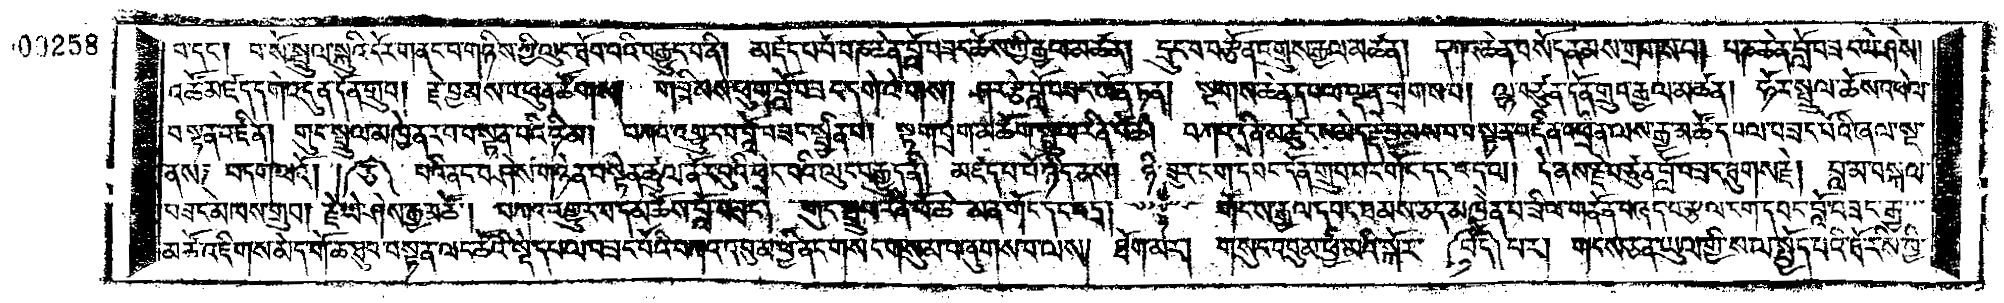བ་དང་། བ་སོ་སྤྲུལ་སྐུའི་དོར་གནང་བ་གཉིས་ཀྱི་ལུང་ཐོབ་པའི་བརྒྱུད་པ་ནི། མཛད་པ་པོ་པཎ་ཆེན་བློ་བཟང་ཆོས་ཀྱི་རྒྱལ་མཚན། དྲུང་བ་བརྩོན་འགྲུས་རྒྱལ་མཚན། དཀའ་ཆེན་བསོད་ནམས་གྲགས་པ། པཎ་ཆེན་བློ་བཟང་ཡེ་ཤེས།
འཚོ་མཛད་དགེ་འདུན་དོན་གྲུབ། རྗེ་བྱམས་པ་ཕུན་ཚོགས། གཟིམས་ཕུག་བློ་བཟང་དགེ་ལེགས། ཤར་རྩེ་བློ་བཟང་ཡོན་ཏན། སྔགས་ཆེན་དཔལ་ལྡན་གྲགས་པ། ལྷ་བཙུན་དོན་གྲུབ་རྒྱལ་མཚན། ཧོར་སྤྲུལ་ཆོས་འཕེལ་
བསྟན་འཛིན། གུང་སྤྲུལ་མཁྱེན་རབ་བསྟན་པའི་ཉི་མ། བཀའ་འགྱུར་བ་བློ་བཟང་སྦྱིན་པ། སྟག་བྲག་མཆོག་སྤྲུལ་རིན་པོ་ཆེ། བཀའ་དྲིན་མཚུངས་མེད་རྗེ་བྱམས་པ་བསྟན་འཛིན་འཕྲིན་ལས་རྒྱ་མཚོ་དཔལ་བཟང་པོའི་ཞལ་སྔ་
ནས༑ བདག་ལའོ། །༼ཅ༽ པའི་ནང་བཤེས་གཉེན་བསྟེན་ཚུལ་ནོར་བུའི་ཕྲེང་བའི་ལུང་བརྒྱུད་ནི། མཛད་པ་པོ་ཉིད་ནས། ཉི་ཟུར་ངག་དབང་དོན་གྲུབ་བར་གོང་དང་འདྲ་ལ། དེ་ནས་རྗེ་བཙུན་བློ་བཟང་ཐུགས་རྗེ། བླ་མ་བསྐལ་
བཟང་མཁས་གྲུབ། རྗེ་ཡེ་ཤེས་རྒྱ་མཚོ། བཀའ་འགྱུར་བ་དམ་ཆོས་བློ་བཟང་། གུང་སྤྲུལ་རིན་པོ་ཆེ་མན་གོང་དང་འདྲ། གོང་ས་རྒྱལ་དབང་ཐམས་ཅད་མཁྱེན་པ་ཟིལ་གནོན་བཞད་པ་རྩལ་ངག་དབང་བློ་བཟང་རྒྱ་
མཚོ་འཇིགས་མེད་གོ་ཆ་ཐུབ་བསྟན་ལང་ཚོའི་སྡེ་དཔལ་བཟང་པོའི་བཀའ་འབུམ་ཕྱི་ནང་གསང་གསུམ་བཞུགས་པ་ལས། ཐོག་མར། གསུང་འབུམ་ཕྱི་མའི་སྐོར ༼བོད༡༽ པར། གངས་ཅན་ཡུལ་གྱི་ས་ལ་སྤྱོད་པའི་ཐོ་རིས་ཀྱི་